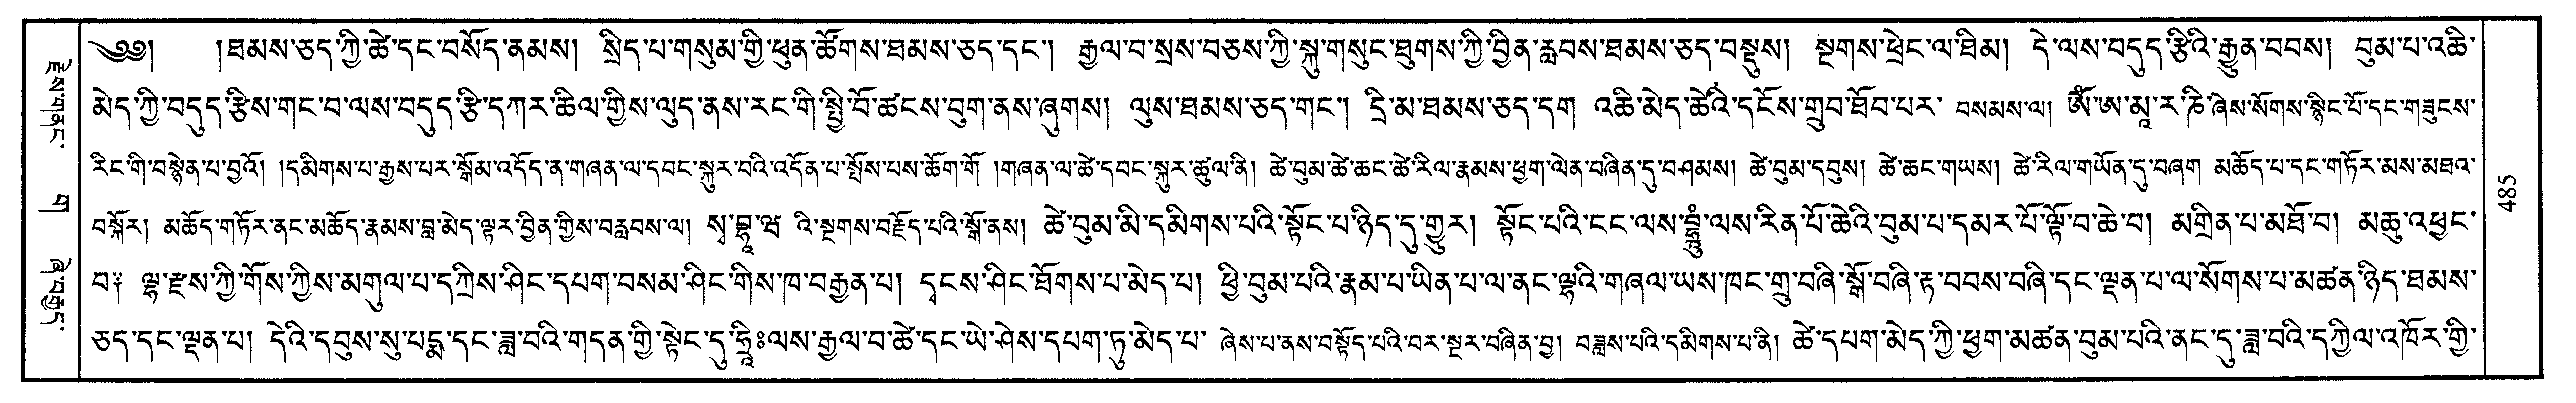༄༅། །ཐམས་ཅད་ཀྱི་ཚེ་དང་བསོད་ནམས། སྲིད་པ་གསུམ་གྱི་ཕུན་ཚོགས་ཐམས་ཅད་དང་། རྒྱལ་བ་སྲས་བཅས་ཀྱི་སྐུ་གསུང་ཐུགས་ཀྱི་བྱིན་རླབས་ཐམས་ཅད་བསྡུས། སྔགས་ཕྲེང་ལ་ཐིམ། དེ་ལས་བདུད་རྩིའི་རྒྱུན་བབས། བུམ་པ་འཆི་
མེད་ཀྱི་བདུད་རྩིས་གང་བ་ལས་བདུད་རྩི་དཀར་ཆིལ་གྱིས་ལུད་ནས་རང་གི་སྤྱི་བོ་ཚངས་བུག་ནས་ཞུགས། ལུས་ཐམས་ཅད་གང་། དྲི་མ་ཐམས་ཅད་དག། འཆི་མེད་ཚེའི་དངོས་གྲུབ་ཐོབ་པར་བསམས་ལ། ཨོཾ་ཨ་མཱ་ར་ཎི་ཞེས་སོགས་སྙིང་པོ་དང་གཟུངས་
རིང་གི་བསྙེན་པ་བྱའོ། །དམིགས་པ་རྒྱས་པར་སྒོམ་འདོད་ན་གཞན་ལ་དབང་སྐུར་བའི་འདོན་པ་སྤོས་པས་ཆོག་གོ །གཞན་ལ་ཚེ་དབང་སྐུར་ཚུལ་ནི། ཚེ་བུམ་ཚེ་ཆང་ཚེ་རིལ་རྣམས་ཕྱག་ལེན་བཞིན་དུ་བཤམས། ཚེ་བུམ་དབུས། ཚེ་ཆང་གཡས། ཚེ་རིལ་གཡོན་དུ་བཞག་མཆོད་པ་དང་གཏོར་མས་མཐའ་
བསྐོར། མཆོད་གཏོར་ནང་མཆོད་རྣམས་བླ་མེད་ལྟར་བྱིན་གྱིས་བརླབས་ལ། སྭ་བྷཱ་ཝའི་སྔགས་བརྗོད་པའི་སྒོ་ནས། ཚེ་བུམ་མི་དམིགས་པའི་སྟོང་པ་ཉིད་དུ་གྱུར། སྟོང་པའི་ངང་ལས་བྷྲུཾ་ལས་རིན་པོ་ཆེའི་བུམ་པ་དམར་པོ་ལྟོ་བ་ཆེ་བ། མགྲིན་པ་མཐོ་བ། མཆུ་འཕྱང་
བ༑ ལྷ་རྫས་ཀྱི་གོས་ཀྱིས་མགུལ་པ་དཀྲིས་ཤིང་དཔག་བསམ་ཤིང་གིས་ཁ་བརྒྱན་པ། དྭངས་ཤིང་ཐོགས་པ་མེད་པ། ཕྱི་བུམ་པའི་རྣམ་པ་ཡིན་པ་ལ་ནང་ལྷའི་གཞལ་ཡས་ཁང་གྲུ་བཞི་སྒོ་བཞི་རྟ་བབས་བཞི་དང་ལྡན་པ་ལ་སོགས་པ་མཚན་ཉིད་ཐམས་
ཅད་དང་ལྡན་པ། དེའི་དབུས་སུ་པདམ་དང་ཟླ་བའི་གདན་གྱི་སྟེང་དུ་ཧྲཱིཿ ལས་རྒྱལ་བ་ཚེ་དང་ཡེ་ཤེས་དཔག་ཏུ་མེད་པ་ཞེས་པ་ནས་བསྟོད་པའི་བར་སྔར་བཞིན་བྱ། བཟླས་པའི་དམིགས་པ་ནི། ཚེ་དཔག་མེད་ཀྱི་ཕྱག་མཚན་བུམ་པའི་ནང་དུ་ཟླ་བའི་དཀྱིལ་འཁོར་གྱི་